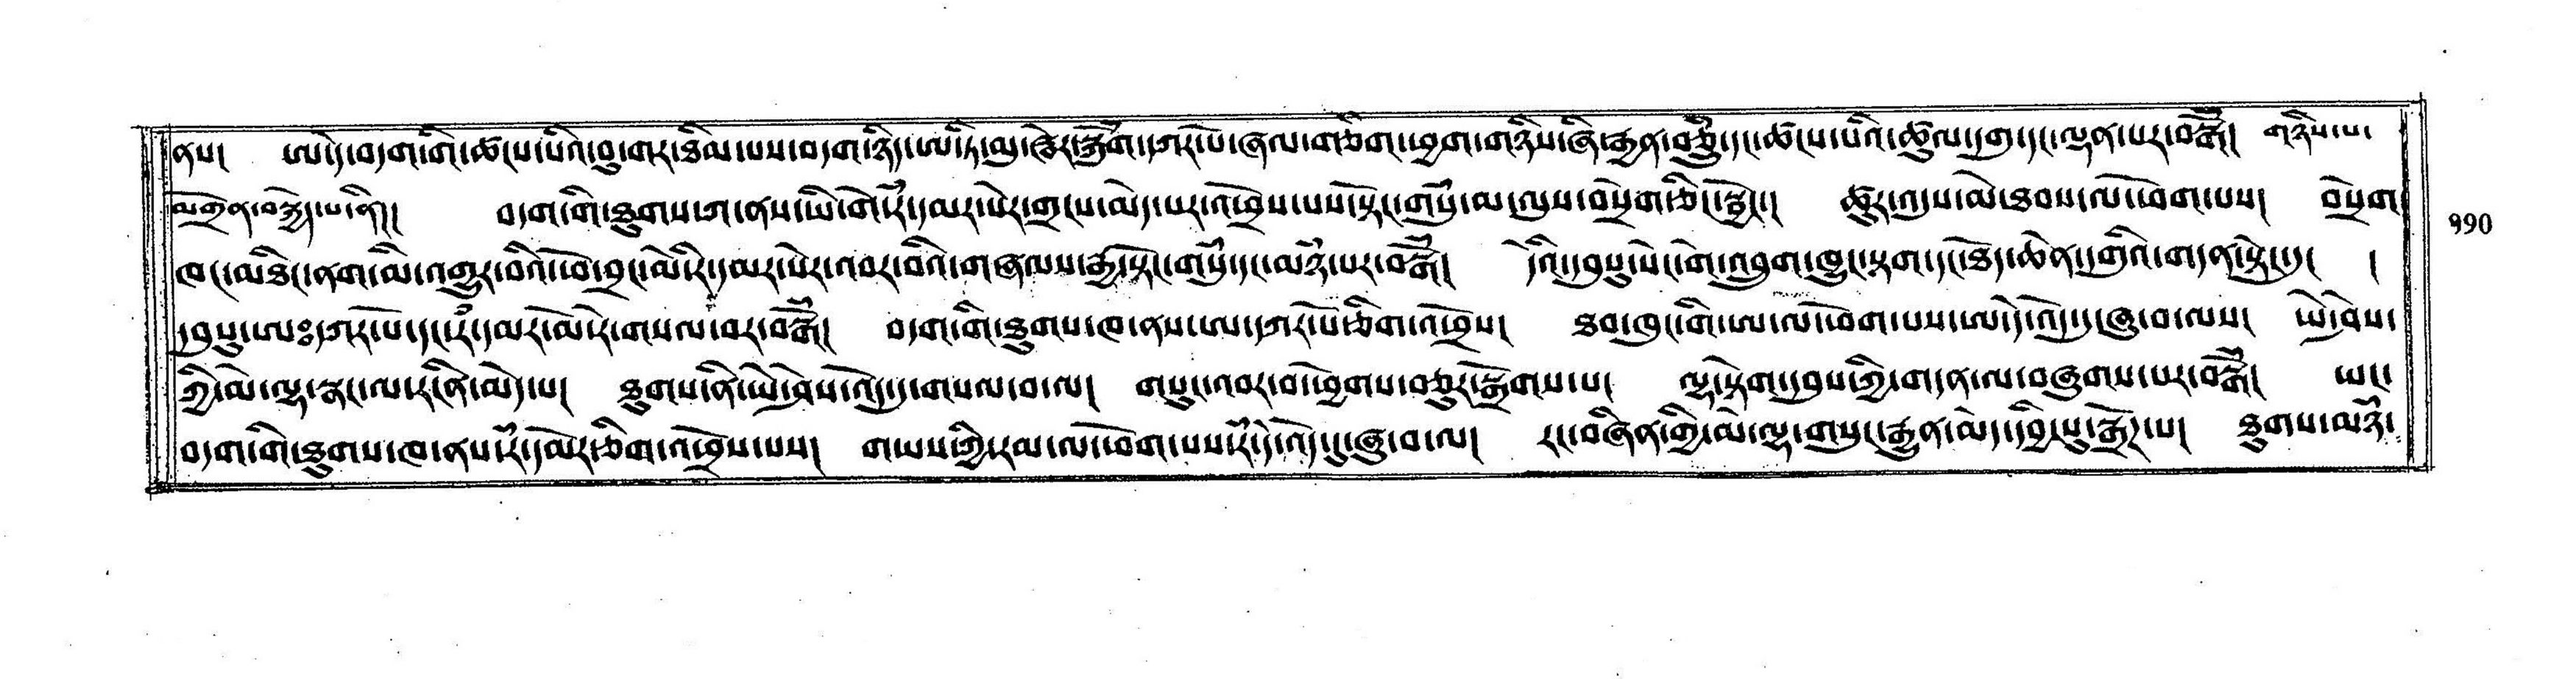ནས། ཨ་དེ་བདག་གི་ཚངས་པའི་བུ་གར་ཐིམ་པས་བདག་ཉིད་ཨ་ཏི་མུ་ཝེར་སྐུ་མདོག་དཀར་པོ་ཞལ་གཅིག་ཕྱག་གཉིས་ཞི་རྒྱན་བཅུ་གསུམ་དང་ཚངས་པའི་ཚུལ་དགུ་དང་ལྡན་པར་བསྒོམ། གཉིས་པ་
མགྲོན་བསྐྱེད་པ་ནི།། བདག་གི་ཐུགས་ཀ་ནས་ཡི་གེ་རཾ་དམར་སེར་གྲངས་མེད་པར་འཕྲོས་པས་སྟོང་གསུམ་མ་ལུས་བསྲེག་ཅིང་སྦྱོང་། ཚུར་འདུས་མེ་ཐབས་ལ་ཕོག་པས། བསྲེག་
ཁང་མཐིང་ནག་མི་འགྱུར་བའི་ཕོ་བྲང་མེ་རི་དམར་སེར་འབར་བའི་གཞལ་ཡས་རྒྱ་སྟོང་གསུམ་དང་མཉམ་པར་བསྒོམ། དེའི་དབུས་སུ་སེང་གེ་འབྲུག་ཁྱུང་སྟག་དང་ཐོད་ཆེན་དགུའི་གདན་སྟེང་དུ། 
དབུས་སུ་ཨཿདཀར་པོ་དང་རཾ་དམར་མོ་རེ་གསལ་བར་བསྒོམ། བདག་གི་ཐུགས་ཁ་ནས་ཨ་དཀར་པོ་ཅིག་འཕྲོས། ཐབ་ཁུང་གི་ཨ་ལ་ཕོག་པས་ཨ་དེ་འོད་དུ་ཞུ་བ་ལས། ཡེ་ཤེས་
ཀྱི་མེ་ལྷ་སྣང་ལ་རང་བཞིན་མེད་པ། ཐུགས་ནི་ཡེ་ཤེས་འོད་དུ་གསལ་བ་ལ། གསུང་འབར་བ་ཕྱོགས་བཅུར་སྒྲོགས་པ། ལྷ་སྟེག་དབུས་ཀྱི་གདན་ལ་བཞུགས་པར་བསྒོམ། ཡང་
བདག་གི་ཐུགས་ཁ་ནས་རཾ་དམར་པོ་ཅིག་འཕྲོས་པས། གཡས་ཀྱི་རམ་ལ་ཕོག་པས་རཾ་དེ་འོད་དུ་ཞུ་བ་ལ། རང་བཞིན་གྱི་མེ་ལྷ་གསུང་རྒྱུན་མེད་དབྱིངས་སུ་སྒྲོགས་པ། ཐུགས་མཉམ་